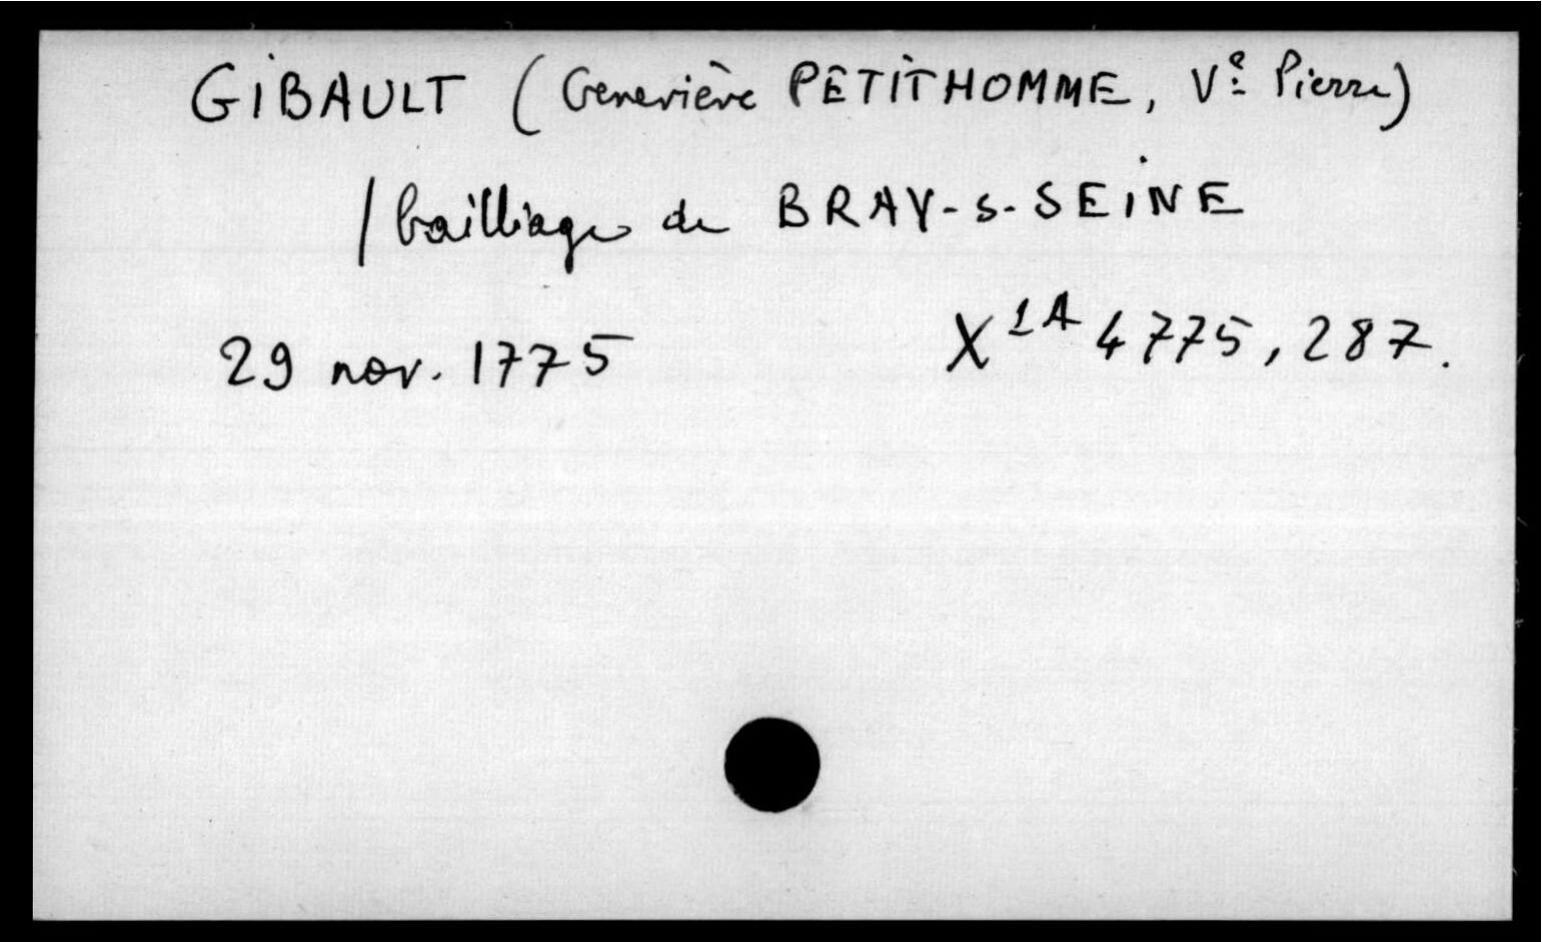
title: GIBAULT (Geneviève PETITHOMME, veuve Pierre)
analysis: Contre bailliage de BRAY-SUR-SEINE
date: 29 novembre 1775
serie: X1A
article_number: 4775
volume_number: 287
